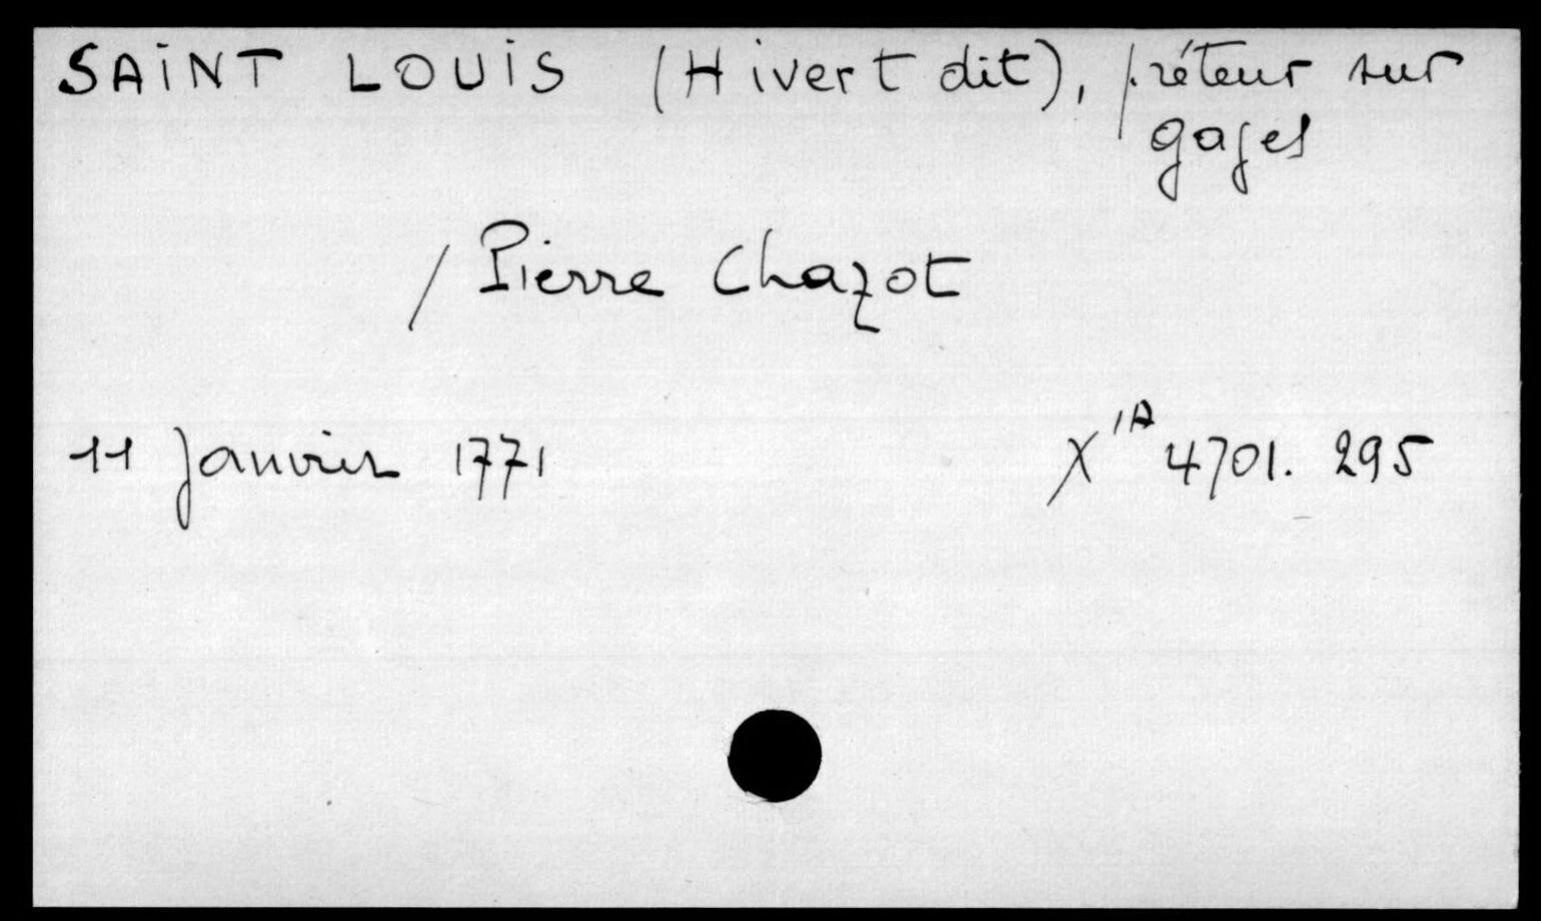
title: SAINT LOUIS (Hivert dit), prêteur sur gages
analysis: Contre Pierre Chazot
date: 11 janvier 1771
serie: X1A
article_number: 4701
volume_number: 295
